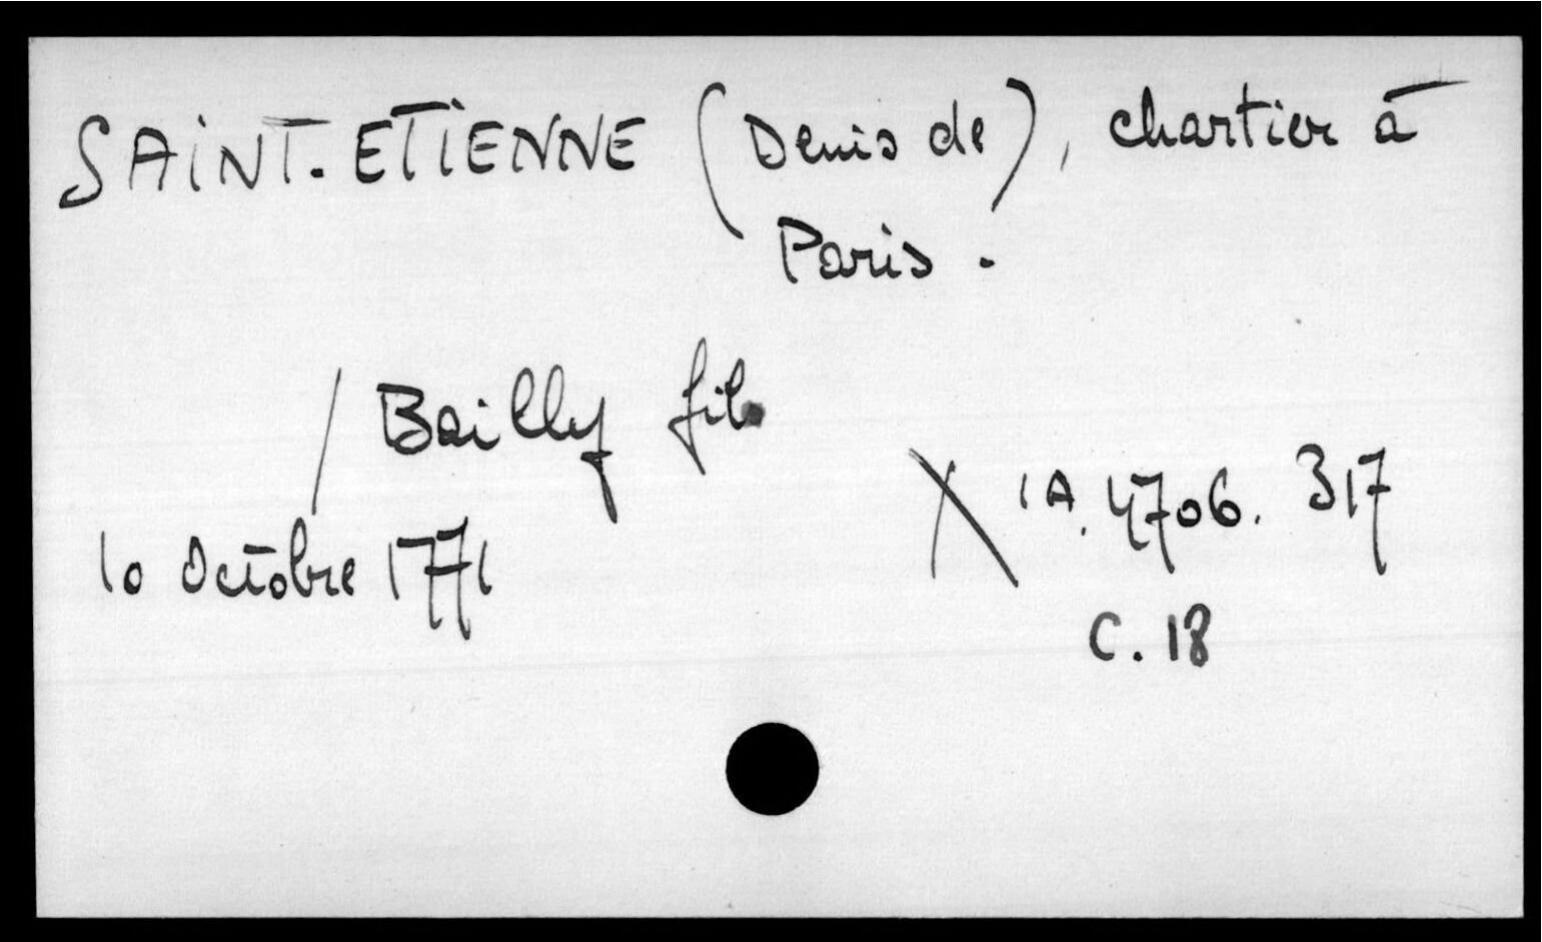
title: SAINT-ÉTIENNE (Denis de), chartier à Paris.
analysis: Contre Bailly fils
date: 10 octobre 1771
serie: X1A
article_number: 4706
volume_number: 317 Conseil, 18
